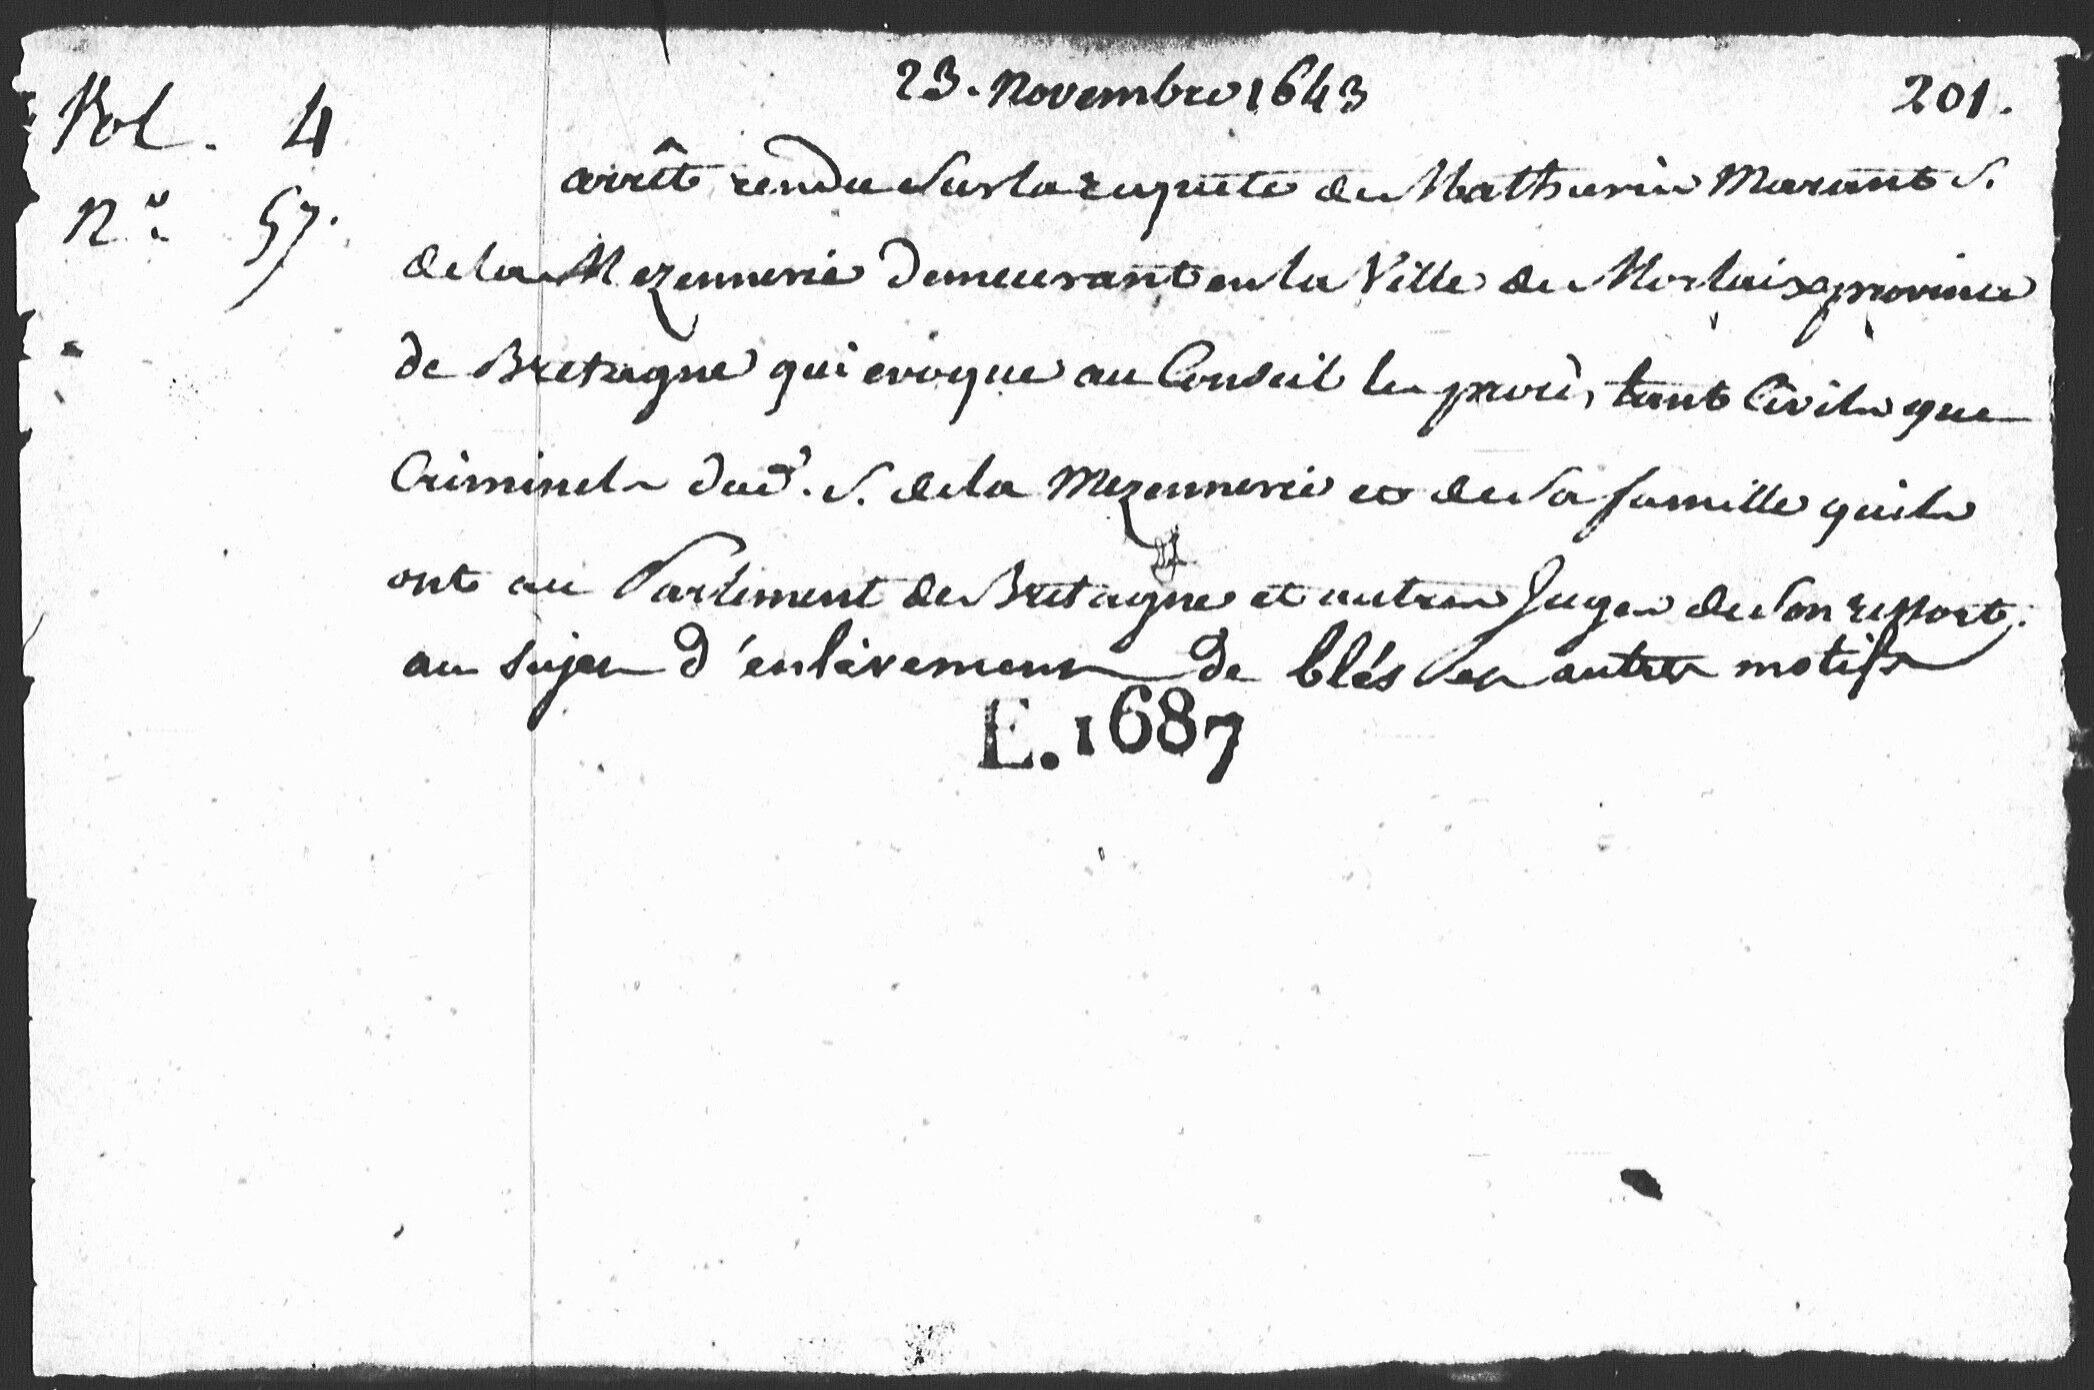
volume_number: n°57
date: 23 novembre 1643
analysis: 201
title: Arrêt rendu sur la requête de Mathurin Marant Sire de la Mezennerie demeurant en la ville de Morlaix province de Bretagne qui evoque au Conseil les procès tant civils que criminels dudit Sieur de la Mezennerie et de sa famille qu'ils ont au Parlement de Bretagne et autres juges de son ressort, au sujet d'enlèvement de blés ses autres motifs.
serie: E
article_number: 1687
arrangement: Volume 4
